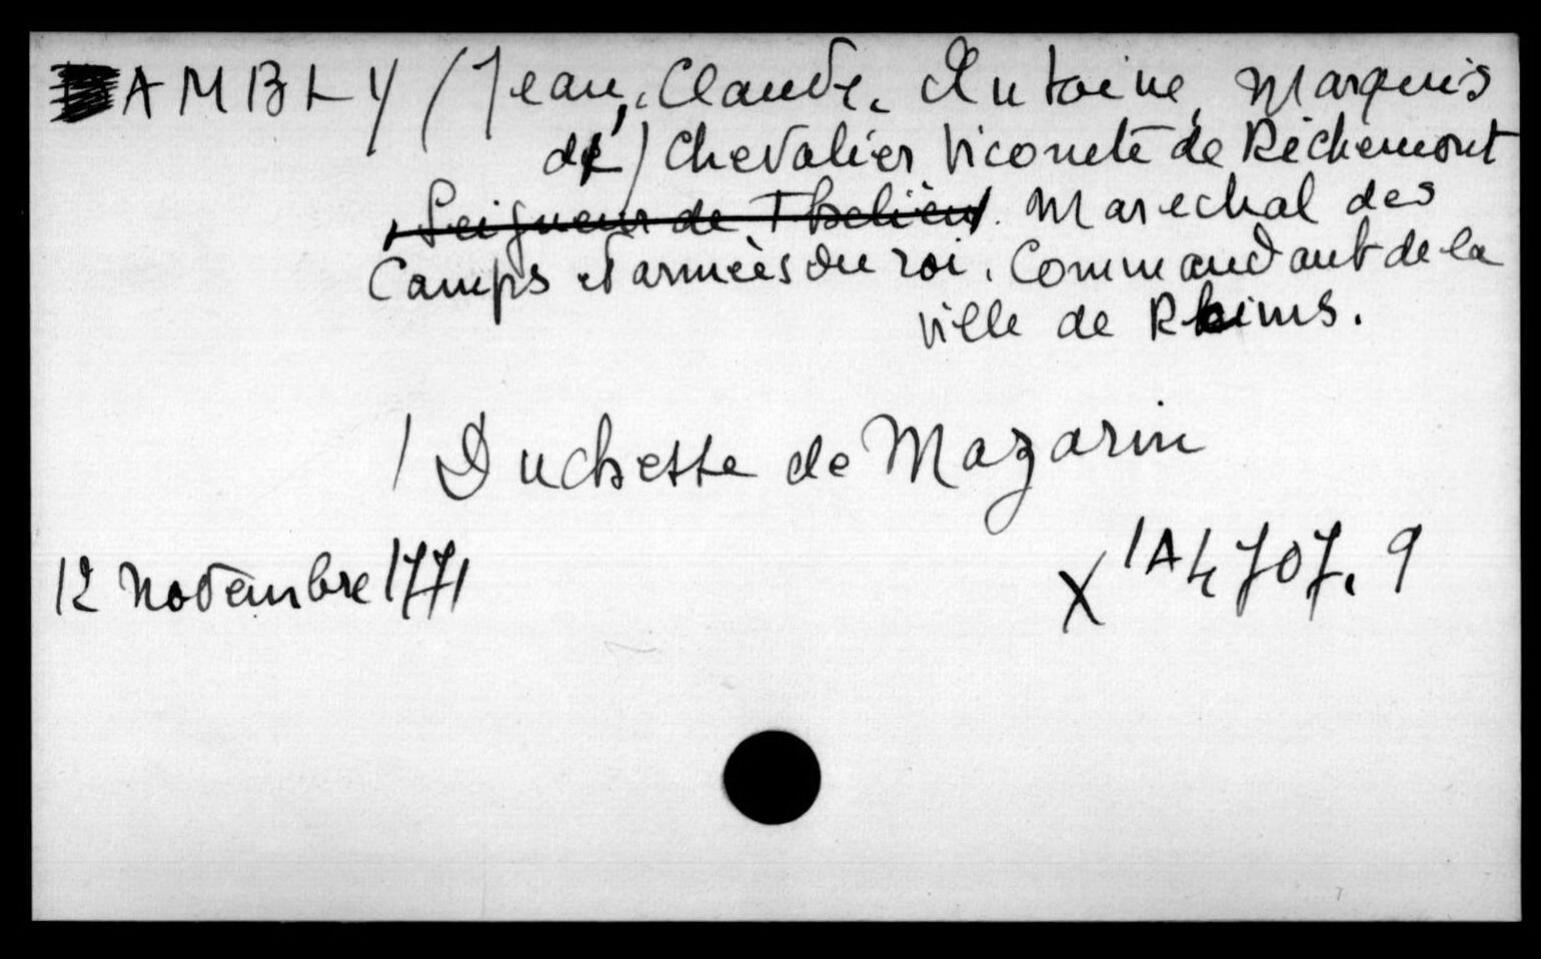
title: AMBLY (Jean, Claude, Antoine, Marquis de) Chevalier vicomte de Richecourt. Maréchal des camps et armées du roi, commandant de la ville de Reims.
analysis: Contre Duchesse de Mazarin
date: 12 novembre 1771
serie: X1A
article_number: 4707
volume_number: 9
